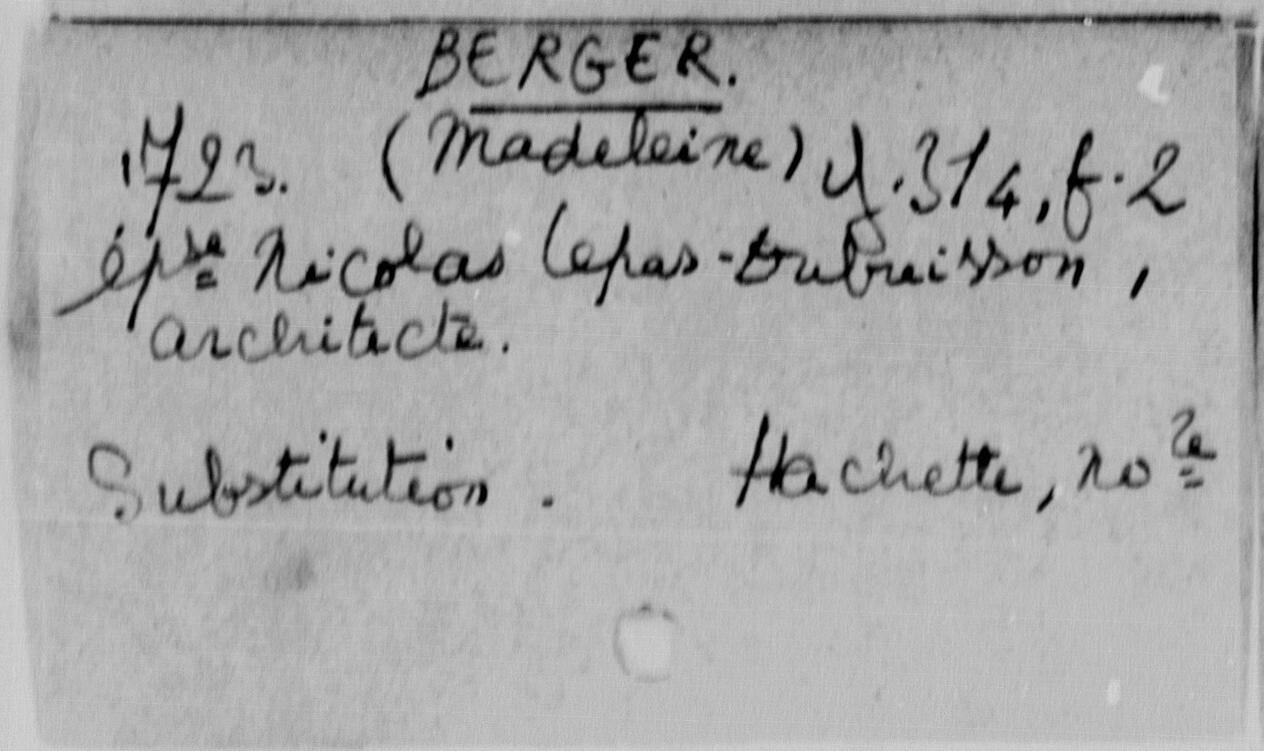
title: BERGER (Madeleine)
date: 1723
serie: Hachette, notaire
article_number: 314
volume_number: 2
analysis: Épouse Nicolas Lepas-Dubuisson, architecte. Substitution. Hachette, notaire
